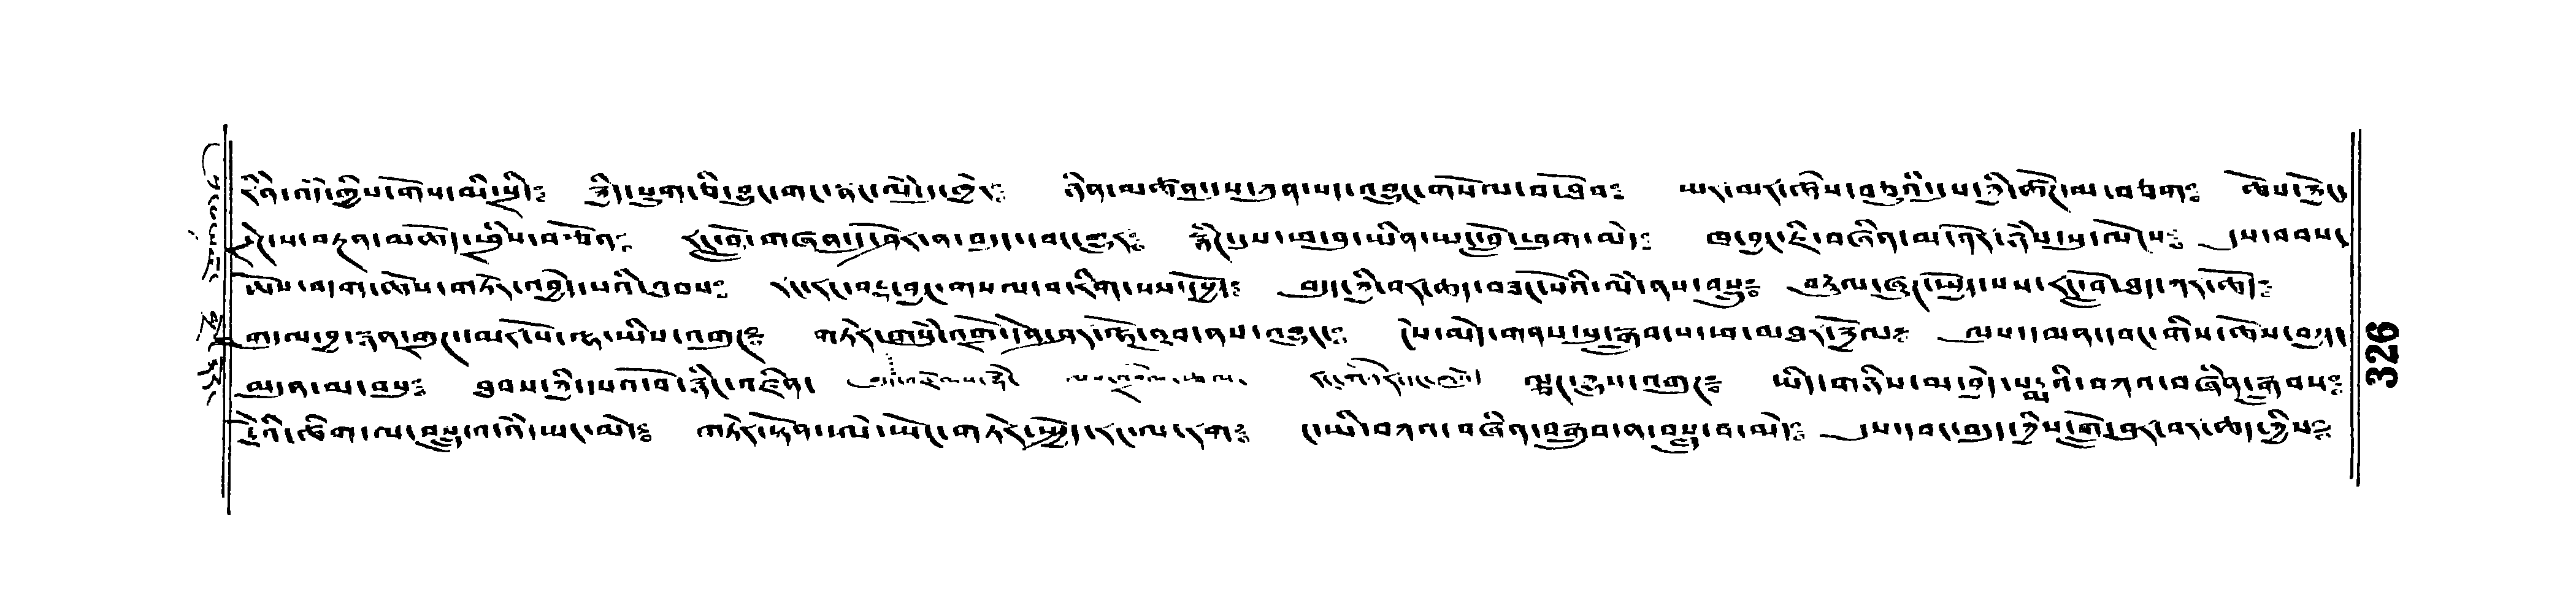རིན་ཆེན་འདམ་གྱིས་གོས་མི་སྲིད༔ སྐྱིད་སྡུག་ཅི་བྱུང་གང་སྣང་ལམ་དུ་ཁྱེར༔ ཉིན་མཚན་དུས་ཀུན་པད་འབྱུང་གསོལ་བ་ཐོབ༔ ཡར་མར་ཚེས་བཅུའི་དུས་ཀྱི་ཚོགས་མ་བཅག༔ ཆོས་སྐྱོང་
དྲེགས་པ་བརྔན་མཆོད་ཕྲིན་ལས་བརྩོན༔ རང་བློ་གཞན་དུ་ཤོར་ན་བདུད་དབང་འགྱུར༔ སྙིགས་དུས་ཕ་བུ་ཡིན་ཡང་བློ་ཕུགས་མེད༔ ཁ་བྱང་ཇི་བཞིན་མ་ནོར་ཉམས་སུ་ལོངས༔ དུས་བབས་
ཆོས་བདག་ཆོས་གཏེར་འབྱེད་པའི་ཐབས༔ རང་རང་བརྡ་བྱང་གསལ་བ་རིག་པས་དཔྱོད༔ བདུད་ཀྱི་བར་ཆད་བཟང་པོའི་ལམ་ནས་བསླུ༔ བརྟུལ་ཞུགས་སྤྱོད་པས་རང་བློ་ཐད་ཀར་ཆོད༔ 
གདུལ་བྱ་སྙན་གྲགས་དམར་པོ་ལྷ་ཡིས་འགུགས༔ གཏེར་གསུམ་འགྲོ་དོན་ཤར་ལྷོ་ནུབ་ནས་འབྱུང༔ ངེས་མེད་གནས་སུ་སྒྲུབ་པ་ཕ་མཐར་སྐྱོལ༔ ལུས་དམན་དབང་གིས་ཆོས་བརྒྱད་
མདུན་མ་བསུ༔ ཐབས་ཀྱི་དཔའ་བོ་སྙིང་འཛིན་ལྕགས་ཀྱུས་འགུགས༔ ཡིད་གཉིས་མ་བྱེད་པདྨའི་བཀའ་བཞིན་སྒྲུབས༔ 
རྡོ་རྗེའི་ཚིག་ལ་བསླུ་བ་ནམ་ཡང་མེད༔གཏེར་སྟོན་ཨེ་ཡོང་གཏེར་སྤྱོད་རང་ལ་རག༔ ང་ཡི་བཀའ་བཞིན་བསྒྲུབ་ན་བསླུ་བ་མེད༔ དུས་དབང་བདུད་ཀྱིས་གློ་བུར་བར་ཆད་ཀྱིས༔